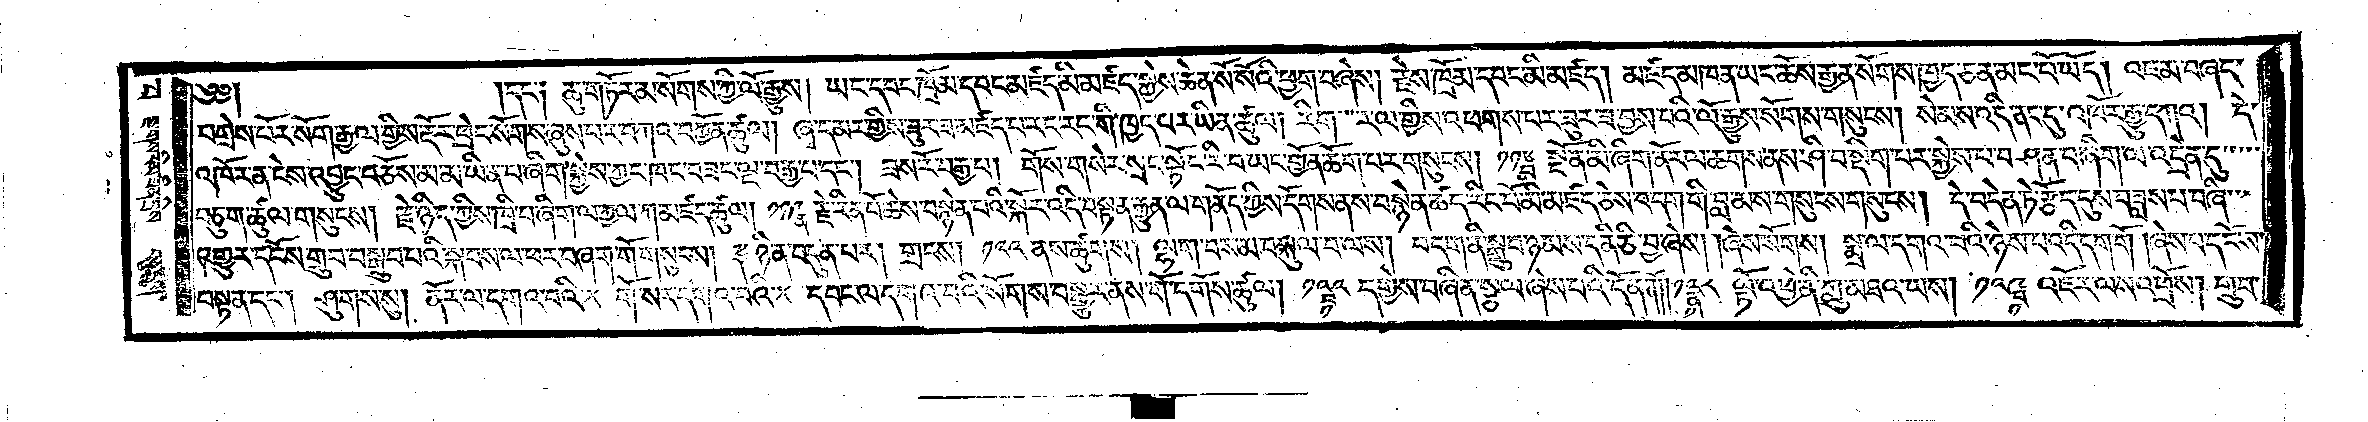༄༅། །དང༑ ཆུ་གཏོར་མ་སོགས་ཀྱི་ལོ་རྒྱུས། ཡང་དབང་ཁྲོམ་དབང་མཛད་མི་མཛད་སྐྱེས་ཆེན་སོ་སོའི་ཕྱག་བཞེས། རྗེས་ཁྲོམ་དབང་མི་མཛད། མཛད་མཁན་ཡང་ཆོས་རྒྱན་སོགས་ཁྱད་ཅན་མང་པོ་ཡོད། འཇམ་བཞད་
བགྲེས་པོར་སོག་རྒྱལ་གྱིས་རྡོར་ཕྲེང་སོགས་ཞུས་པར་བཀའ་བཀྱོན་ཚུལ། ཞྭ་དམར་གྱིས་ཟུར་ཟ་མཛད་པ་རང་རང་གི་ཁྱད་པར་ཡིན་ཚུལ། རིག་རལ་གྱིས་འཕགས་པར་ཟུར་ཟ་བྱས་པའི་ལོ་རྒྱུས་སོགས་གསུངས། སེམས་འདི་ནང་དུ་འཁོར་རྒྱུ་དཀའ། དེ་
འཁོར་ན་ངེས་འབྱུང་བཅོས་མ་མ་ཡིན་པ་ཞིག་སྐྱེས་ཀྱང་ཁང་བཟང་ལྔ་བ་རྒྱ་པ་དང་། ཟས་རོ་བརྒྱ་པ། གོས་གསེར་སྲང་སྟོང་རི་བ་ཡང་གྱོན་ཆོག་བར་གསུངས། ༡༡༦བ༥་སྔོན་མི་ཞིག་ནོར་ལ་ཆགས་ནས་ཤི་བ་སྡིག་པར་སྐྱེས་པ་བཤན་བ་ཞིག་ལ་འདྲེན་དུ་
བཅུག་ཚུལ་གསུངས། རྗེ་ཉིད་ཀྱིས་ཁྲི་པ་ཞིག་ལ་ཀྱལ་ཀ་མཛད་ཚུལ། ༡༢༡ན་རྗེ་རིན་པོ་ཆེས་བསྙེན་པའི་སྐོར་འདི་བསྟན་རྒྱུན་ལ་གནོད་ཀྱིས་དོགས་ནས་བསྙེན་ཚད་རིང་པོ་མི་མཛད་ཅེས་བདག་གི་བླ་མས་གསུངས་གསུངས། དེ་བདེན་ཏེ་རྩོད་དུས་བཟླས་པ་བཞི་
འགྱུར་དངོས་གྲུབ་བསྒྲུབ་པའི་སྐབས་ལ་ཕར་བཞག་གོ་གསུངས། ༈ ཉིན་བདུན་པར། གྲངས། ༡༢༢་ནས་ཚུགས། ལྷག་བསམ་བསྐུལ་བ་ལས། བདག་ནི་སྒྲུབ་ཉམས་ད་ནི་ཅི་བྱ་ཞེས། །ཞེས་སོགས། སྨྲ་ལ་དགའ་བའི་ཉེས་པ་འདི་དག་གོ །ཞེས་པ་དངོས་
བསྟན་དང་། ཤུགས་སུ། ནོར་ལ་དགའ་བའི་྾་གོ་སར་དགའ་བའི་྾་དབང་ལ་དགའ་བའི་སོགས་བསྒྱུར་ནས་གོ་དགོས་ཚུལ། ༡༢༢བ༡་དགྱེས་བཞིན་སྩལ་ཞེས་པའི་དོན་ནོ།། ༡༢༢ན༡་ལྟོ་འཕྱེ་ནི་ཀླུ་མཐའ་ཡས། ༡༢༩བ༡་འཇོར་ལས་འཕྲོས། གྲུབ་